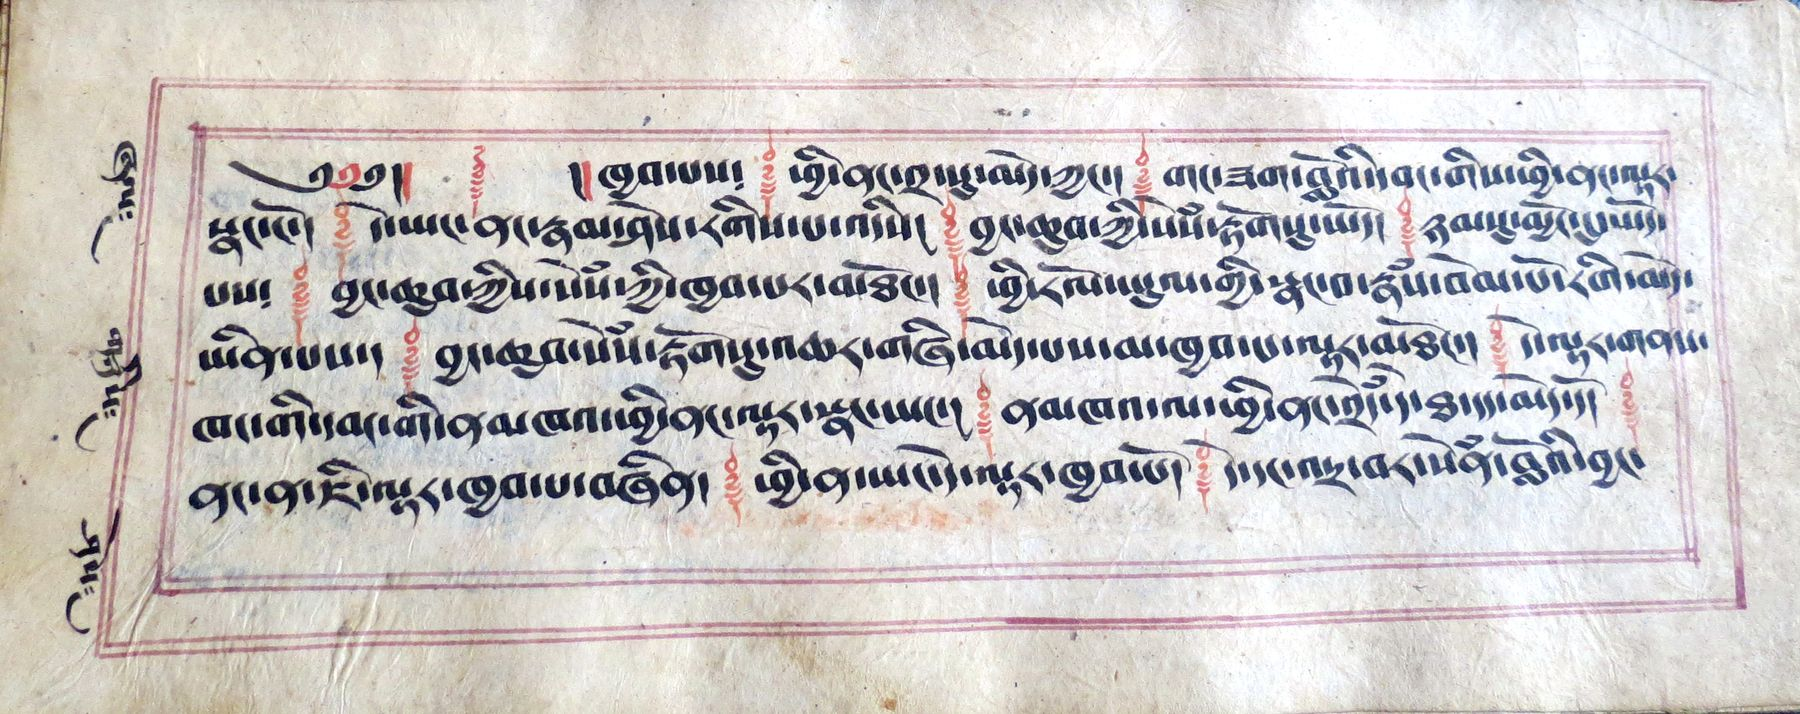ཁྱབ་པས། ཕྱི་ནང་གཉིས་སུ་མེད་ཀྱང་གང་ཟག་བློ་དབང་གིས་ཕྱི་ནང་གཉིས་ལྟར་
སྣང་ངོ་། ། དེ་ཡང་ནང་རྣམ་ཤེས་རིག་པ་འདིས། བྱང་ཆུབ་ཀྱི་སེམས་རྟོགས་སུ་ཡོད། ཉམས་སུ་མྱོང་དུ་ཡོད་
པས། བྱང་ཆུབ་སེམས་ཀྱི་ཁྱབ་པར་མཐོང་། ཕྱི་རོལ་ཡུལ་གྱི་སྣང་བ་རྣམས། བེམ་པོ་རིག་མེད་
ཡིན་པས་བྱང་ཆུབ་སེམས་རྟོགས་སུ་འཆར་གཞི་མེད་པས་མ་ཁྱབ་པར་ལྟར་མཐོང་། དེ་ལྟར་གནས་
ཁང་གི་དབང་གིས་ནམ་མཁའ་ཕྱི་ནང་ལྟར་སྣང་ཡང་། ནམ་མཁའ་ལ་ཕྱི་ནང་གཉིས་མེད་ཐ་དད་མེད་དོ། ། 
ནང་ན་ཅི་ལྟར་ཁྱབ་པ་བཞིན། ཕྱི་ན་ཡང་དེ་ལྟར་ཁྱབ་པའོ། ། དེ་དང་འདྲ་བར་སེམས་ཅན་བློ་ཡིས་བྱང་